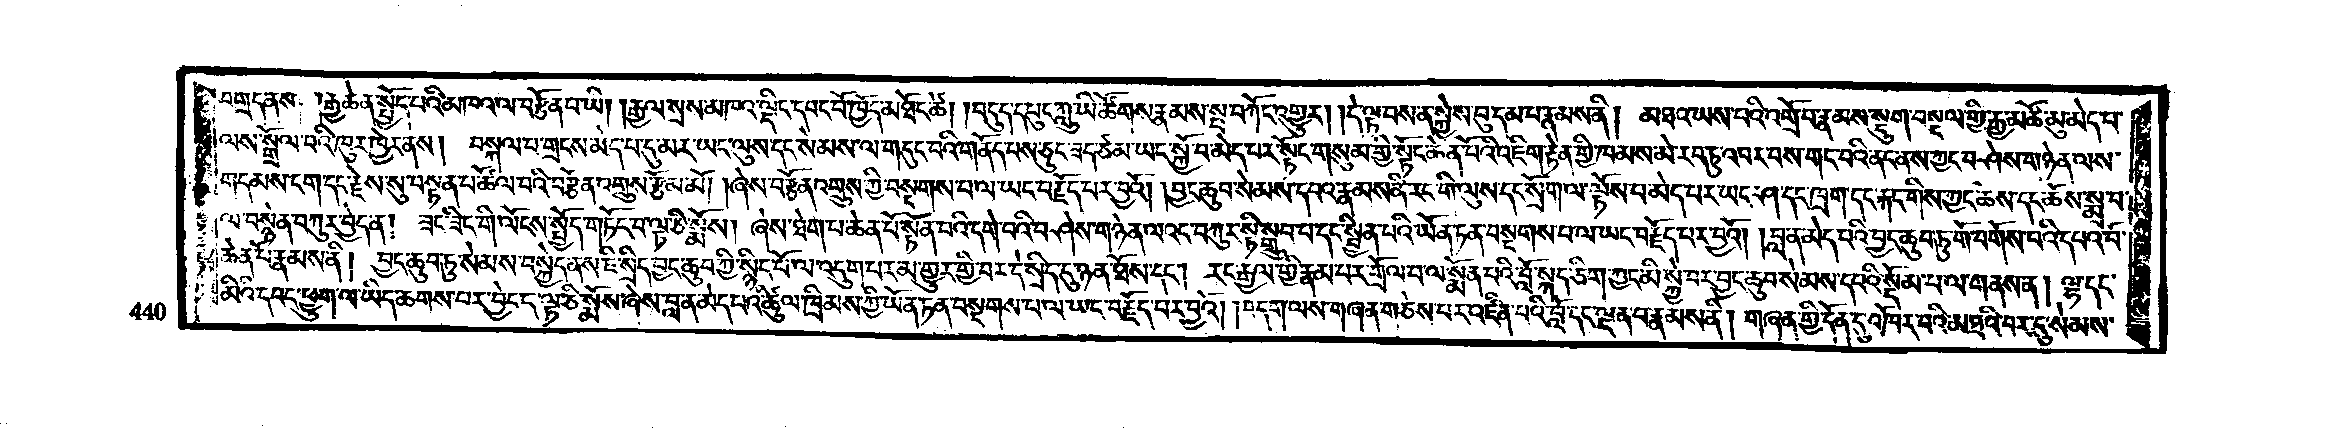བགྲད་ནས། །རྒྱ་ཆེན་སྤྱོད་པའི་མཁའ་ལ་བརྩོན་པ་ཡི། །རྒྱལ་སྲས་མཁའ་ལྡིང་དབང་པོ་ཁྱོད་མཐོང་ཚེ། །བདུད་དཔུང་ཀླུ་ཡི་ཚོགས་རྣམས་སྤ་བཀོང་འགྱུར། །དེ་ལྟ་བས་ན་སྐྱེས་བུ་དམ་པ་རྣམས་ནི། མཐའ་ཡས་པའི་འགྲོ་བ་རྣམས་སྡུག་བསྔལ་གྱི་རྒྱ་མཚོ་མུ་མེད་པ་
ལས་སྒྲོལ་བའི་ཁུར་ཁྱེར་ནས། བསྐལ་པ་གྲངས་མེད་པ་དུ་མར་ཡང་ལུས་དང་སེམས་ལ་གདུང་བའི་གནོད་པས་ཅུང་ཟད་ཙམ་ཡང་སྐྱོ་བ་མེད་པར་སྟོང་གསུམ་གྱི་སྟོང་ཆེན་པོའི་འཇིག་རྟེན་གྱི་ཁམས་མེ་རབ་ཏུ་འབར་བས་གང་བའི་ནང་ནས་ཀྱང་བཤེས་གཉེན་ལས་
གདམས་ངག་དང་རྗེས་སུ་བསྟན་པ་ཚོལ་བའི་བརྩོན་འགྲུས་རྩོམ་མོ། །ཞེས་བརྩོན་འགྲུས་ཀྱི་བསྔགས་པ་ལ་ཡང་བརྗོད་པར་བྱའོ། །བྱང་ཆུབ་སེམས་དཔའ་རྣམས་ནི་རང་གི་ལུས་དང་སྲོག་ལ་ལྟོས་པ་མེད་པར་ཡང་ཤ་དང་ཁྲག་དང་རྐང་གིས་ཀྱང་ཆེས་དང་ཆོས་སྨྲ་བ་
ལ་བསྙེན་བཀུར་བྱེད་ན། ཟང་ཟིང་གི་ལོངས་སྤྱོད་གཏོང་བ་ལྟ་ཅི་སྨོས། ཞེས་ཐེག་པ་ཆེན་པོ་སྟོན་པའི་དགེ་བའི་བཤེས་གཉེན་ལའང་བཀུར་སྟི་སྒྲུབ་པ་དང་སྦྱིན་པའི་ཡོན་ཏན་བསྔགས་པ་ལ་ཡང་བརྗོད་པར་བྱའོ། །བླ་ན་མེད་པའི་བྱང་ཆུབ་ཏུ་གོ་བགོས་པའི་དཔའ་བོ་
ཆེན་པོ་རྣམས་ནི། བྱང་ཆུབ་ཏུ་སེམས་བསྐྱེད་ནས་ཇི་སྲིད་བྱང་ཆུབ་ཀྱི་སྙིང་པོ་ལ་འདུག་པར་མ་གྱུར་གྱི་བར་དེ་སྲིད་དུ་ཉན་ཐོས་དང་། རང་རྒྱལ་གྱི་རྣམ་པར་གྲོལ་བ་ལ་སྨོན་པའི་བློ་སྐད་ཅིག་ཀྱང་མི་སྐྱེ་བར་བྱང་ཆུབ་སེམས་དཔའི་སྡོམ་པ་ལ་གནས་ན། ལྷ་དང་
མིའི་དབང་ཕྱུག་ལ་ཡིད་ཆགས་པར་བྱེད་པ་ལྟ་ཅི་སྨོས་ཞེས་བླ་ན་མེད་པའི་ཚུལ་ཁྲིམས་ཀྱི་ཡོན་ཏན་བསྔགས་པ་ལ་ཡང་བརྗོད་པར་བྱའོ། །བདག་ལས་གཞན་གཅེས་པར་འཛིན་པའི་བློ་དང་ལྡན་པ་རྣམས་ནི། གཞན་གྱི་དོན་དུ་འཁོར་བའི་མཐའི་བར་དུ་སེམས་